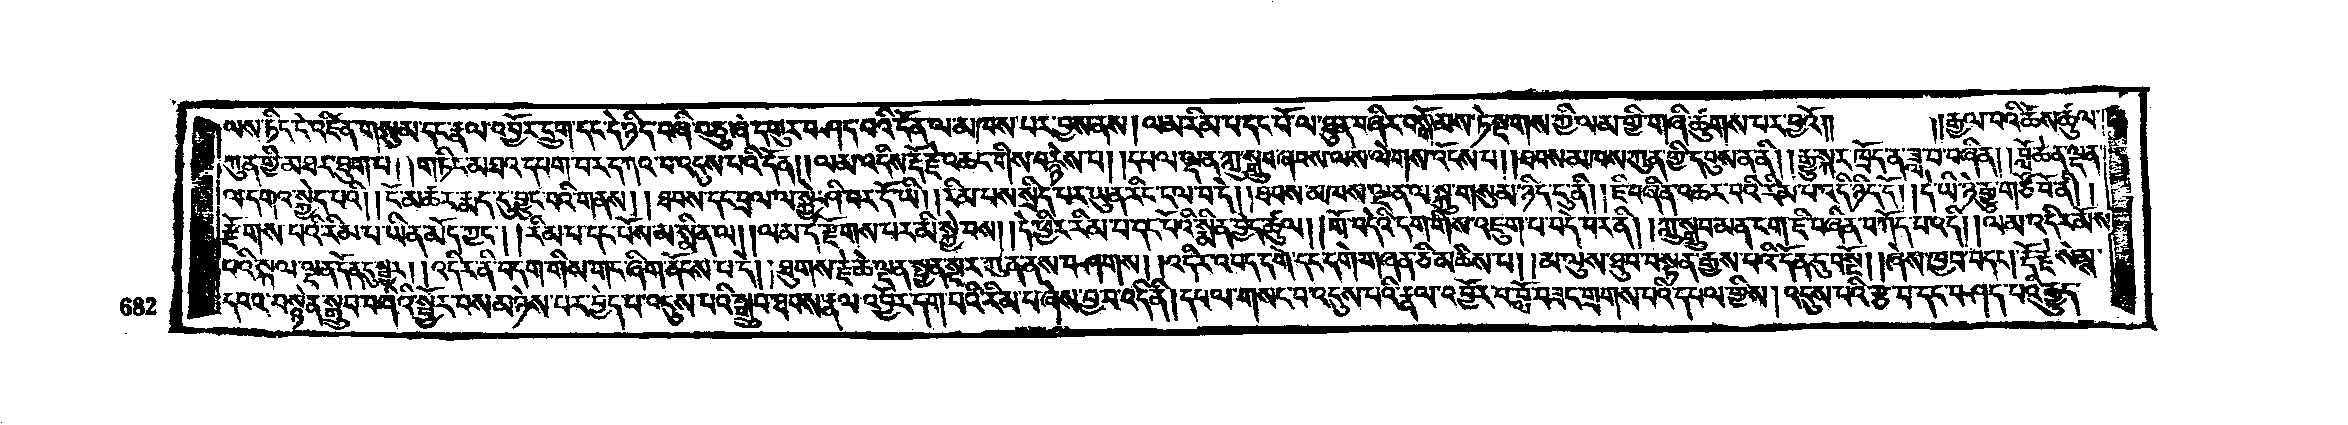ལས་ཏིང་ངེ་འཛིན་གསུམ་དང་རྣལ་འབྱོར་དྲུག་དང་དེ་ཉིད་བཞི་བཅུ་ཞེ་དགུར་བཤད་པའི་དོན་ལ་མཁས་པར་བྱས་ནས། ལམ་རིམ་པ་དང་པོ་ལ་ཐུན་བཞིར་བསྒོམས་ཏེ་སྔགས་ཀྱི་ལམ་གྱི་གཞི་ཚུགས་པར་བྱའོ།། །།རྒྱལ་བའི་ཆོས་ཚུལ་
ཀུན་གྱི་མཐར་ཐུག་པ། །གཏིང་མཐའ་དཔག་པར་དཀའ་བ་འདུས་པའི་དོན། །ལམ་འདིས་རྡོ་རྗེ་འཆང་གིས་བརྙེས་པ། །དཔལ་ལྡན་ཀླུ་སྒྲུབ་ཞབས་ལས་ལེགས་འོངས་པ། །ཐབས་མཁས་ཀུན་གྱི་དབུས་ན་ནི། །རྒྱུ་སྐར་ཁྲོད་ན་ཟླ་བ་བཞིན། །བློ་ཆེན་ལྡན་
ལ་དགའ་སྐྱེད་པའི། །ངོ་མཚར་རྨད་དུ་བྱུང་བའི་གནས། །ཐབས་དང་བྲལ་ལ་སྐྱེ་ཤི་བར་དོ་ཡི། །རིམ་པས་སྲིད་པར་ཡུན་རིང་ངལ་བ་དེ། །ཐབས་མཁས་ལྡན་ལ་སྐུ་གསུམ་ཉིད་དུ་ནི། །ཇི་བཞིན་འཆར་བའི་རིམ་པ་འདི་ཉིད་དོ། །དེ་ཡི་ཉེ་རྒྱུ་གཙོ་བོ་ནི།།
རྫོགས་པའི་རིམ་པ་ཡིན་མོད་ཀྱང་། །རིམ་པ་དང་པོས་མ་སྨིན་ལ། །ལམ་དེ་རྫོགས་པར་མི་སྐྱེ་བས། །དེ་ཕྱིར་རིམ་པ་དང་པོའི་སྨིན་བྱེད་ཚུལ། །གོ་བདེའི་ངག་གིས་འཇུག་པ་བདེ་བར་ནི། །ཀླུ་སྒྲུབ་མན་ངག་ཇི་བཞིན་བཀོད་པ་འདི། །ལམ་འདིར་མོས་
པའི་སྐལ་ལྡན་དོན་དུ་སྦྱར། །འདིར་ནི་བདག་གིས་གང་ཞིག་ནོངས་པ་དེ། །ཐུགས་རྗེ་ཆེ་ལྡན་སྤྱན་སྔར་ཀུན་ནས་བཤགས། །འདིར་འབད་དགེ་དང་དགེ་གཞན་ཅི་མཆིས་པ། །མ་ལུས་ཐུབ་བསྟན་རྒྱས་པའི་དོན་དུ་བསྔོ། །ཞེས་ཁྱབ་བདག་རྡོ་རྗེ་སེམས་
དཔའ་བསྙེན་སྒྲུབ་བཞིའི་སྦྱོར་བས་མཉེས་པར་བྱེད་པ་འདུས་པའི་སྒྲུབ་ཐབས་རྣལ་འབྱོར་དག་པའི་རིམ་པ་ཞེས་བྱ་བ་འདི་ནི། དཔལ་གསང་བ་འདུས་པའི་རྣལ་འབྱོར་པ་བློ་བཟང་གྲགས་པའི་དཔལ་གྱིས། འདུས་པའི་རྩ་བ་དང་བཤད་པའི་རྒྱུད་